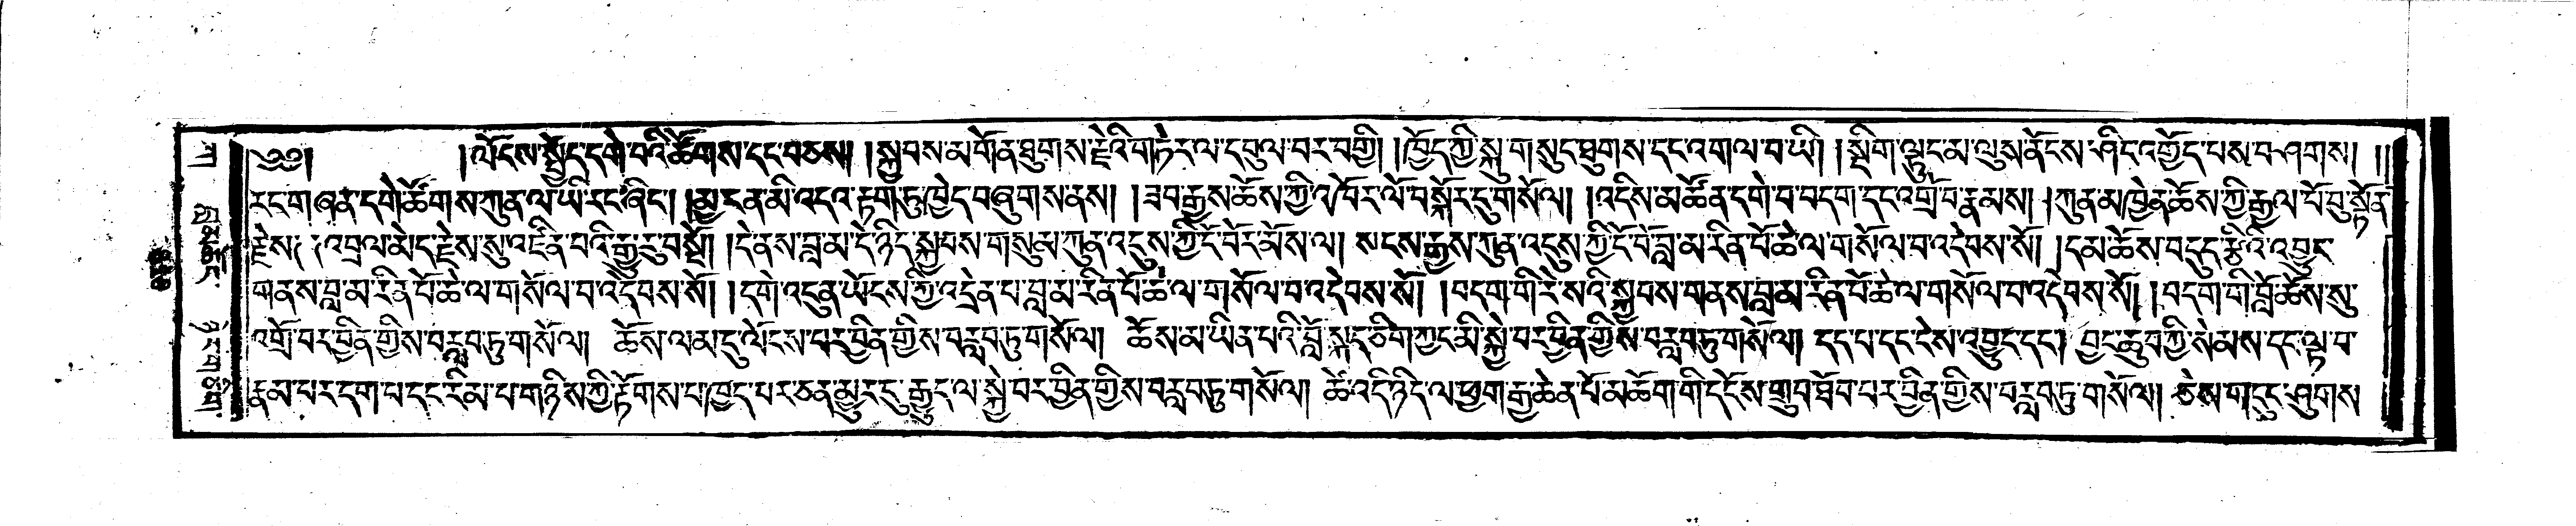༄༅། །ལོངས་སྤྱོད་དགེ་བའི་ཚོགས་དང་བཅས། །སྐྱབས་མགོན་ཐུགས་རྗེའི་གཏེར་ལ་དབུལ་བར་བགྱི། །ཁྱོད་ཀྱི་སྐུ་གསུང་ཐུགས་དང་འགལ་བ་ཡི། །སྡིག་ལྟུང་མ་ལུས་ནོངས་ཤིང་འགྱོད་པས་བཤགས། །
རང་གཞན་དགེ་ཚོགས་ཀུན་ལ་ཡི་རང་ཞིང་། །མྱ་ངན་མི་འདའ་རྟག་ཏུ་ཁྱེད་བཞུགས་ནས། །ཟབ་རྒྱས་ཆོས་ཀྱི་འཁོར་ལོ་བསྐོར་དུ་གསོལ། །འདིས་མཚོན་དགེ་བ་བདག་དང་འགྲོ་བ་རྣམས། །ཀུན་མཁྱེན་ཆོས་ཀྱི་རྒྱལ་པོ་བུ་སྟོན་
རྗེས༑ ༑འབྲལ་མེད་རྗེས་སུ་འཛིན་པའི་རྒྱུ་རུ་བསྔོ། །དེ་ནས་བླ་མ་དེ་ཉིད་སྐྱབས་གསུམ་ཀུན་འདུས་ཀྱི་ངོ་བོར་མོས་ལ། སངས་རྒྱས་ཀུན་འདུས་ཀྱི་ངོ་བོ་བླ་མ་རིན་པོ་ཆེ་ལ་གསོལ་བ་འདེབས་སོ། །དམ་ཆོས་བདུད་རྩིའི་འབྱུང་
གནས་བླ་མ་རིན་པོ་ཆེ་ལ་གསོལ་བ་འདེབས་སོ། །དགེ་འདུན་ཡོངས་ཀྱི་འདྲེན་པ་བླ་མ་རིན་པོ་ཆེ་ལ་གསོལ་བ་འདེབས་སོ། །བདག་གི་རེ་སའི་སྐྱབས་གནས་བླ་མ་རིན་པོ་ཆེ་ལ་གསོལ་བ་འདེབས་སོ། །བདག་གི་བློ་ཆོས་སུ་
འགྲོ་བར་བྱིན་གྱིས་བརླབ་ཏུ་གསོལ། ཆོས་ལམ་དུ་ལོངས་པར་བྱིན་གྱིས་བརླབ་ཏུ་གསོལ། ཆོས་མ་ཡིན་པའི་བློ་སྐད་ཅིག་ཀྱང་མི་སྐྱེ་བར་བྱིན་གྱིས་བརླབ་ཏུ་གསོལ། དད་པ་དང་ངེས་འབྱུང་དང་། བྱང་ཆུབ་ཀྱི་སེམས་དང་ལྟ་བ་
རྣམ་པར་དག་པ་དང་རིམ་པ་གཉིས་ཀྱི་རྟོགས་པ་ཁྱད་པར་ཅན་མྱུར་དུ་རྒྱུད་ལ་སྐྱེ་བར་བྱིན་གྱིས་བརླབ་ཏུ་གསོལ། ཚེ་འདི་ཉིད་ལ་ཕྱག་རྒྱ་ཆེན་པོ་མཆོག་གི་དངོས་གྲུབ་ཐོབ་པར་བྱིན་གྱིས་བརླབ་ཏུ་གསོལ། ཅེས་གདུང་ཤུགས་